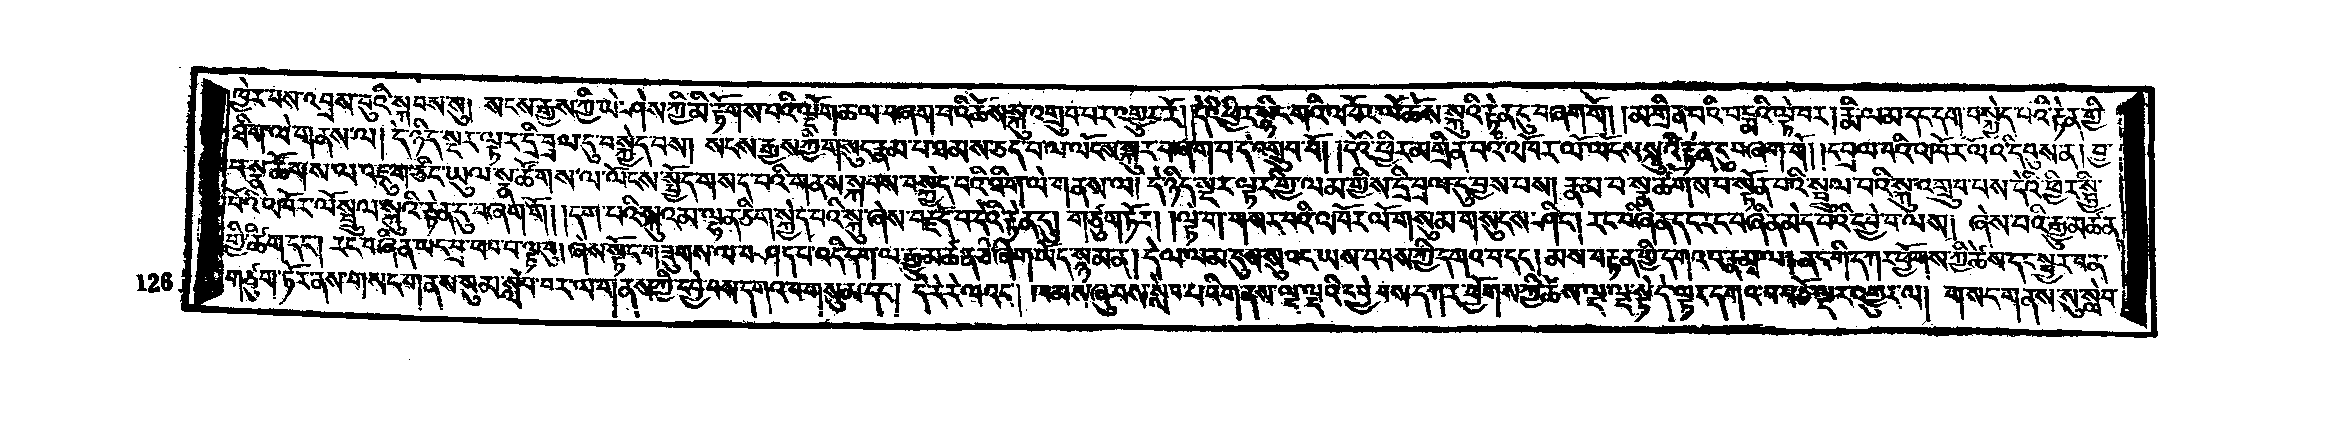ཁྱེར་པས་འབྲས་བུའི་སྐབས་སུ། སངས་རྒྱས་ཀྱི་ཡེ་ཤེས་ཀྱི་མི་རྟོགས་པའི་ལྡོག་ཆ་ལ་བཞག་པའི་ཆོས་སྐུ་འགྲུབ་པར་འགྱུར་རོ། །དེའི་ཕྱིར་སྙིང་གའི་འཁོར་ལོ་ཆོས་སྐུའི་རྟེན་དུ་བཞག་གོ །མགྲིན་པའི་པདམའི་ལྟེ་བར། རྨི་ལམ་དང་དག་བསྐྱེད་པའི་རྟེན་གྱི་
ཐིག་ལེ་གནས་ལ། དེ་ཉིད་སྔར་ལྟར་དྲི་བྲལ་དུ་བསྐྱེད་པས། སངས་རྒྱས་ཀྱི་གསུང་རྣམ་པ་ཐམས་ཅད་པ་ལ་ལོངས་སྐུར་བཞག་པ་དེ་འགྲུབ་བོ། །དེའི་ཕྱིར་མགྲིན་པའི་འཁོར་ལོ་ལོངས་སྐུའི་རྟེན་དུ་བཞག་གོ། །དབྲལ་བའི་འཁོར་ལོའི་དབུས་ན། བྱ་
བ་སྣ་ཚོགས་ལ་འཇུག་ཅིང་ཡུལ་སྣ་ཚོགས་ལ་ལོངས་སྤྱོད་གསད་པའི་གནས་སྐབས་བསྐྱེད་པའི་ཐིག་ལེ་གནས་ལ། དེ་ཉིད་སྔར་ལྟར་གྱི་ལམ་གྱིས་དྲི་བྲལ་དུ་བྱས་པས། རྣམ་པ་སྣ་ཚོགས་པ་སྟོན་པའི་སྤྲུལ་པའི་སྐུ་འགྲུབ་པས་དེའི་ཕྱིར་སྤྱི་
བོའི་འཁོར་ལོ་སྤྲུལ་སྐུའི་རྟེན་དུ་བཞག་གོ། །དག་པའི་སྐུའམ་ལྷན་ཅིག་སྐྱེད་པའི་སྐུ་ཞེས་བརྗོད་པ་དེའི་རྟེན་དུ། གཙུག་གཏོར། །ལྟེ་ག་གསར་བའི་འཁོར་ལོ་གསུམ་གསུངས་ཤིང་། རང་བཞིན་དང་རང་བཞིན་མེད་པའི་དབྱེ་བ་ལས། ཞེས་པའི་རྒྱུ་མཚན་
གྱི་ཚིག་དང་། རང་བཞིན་ཡང་བྲ་ཕབ་པ་ལྟ་བུ། ཞེས་སྟོང་གཟུགས་ལ་བཤད་པ་འདི་དག་ལ་རྒྱུ་མཚན་ཅི་ཞིག་ཡོད་སྙམ་ན། དེ་ལ་ལམ་དུས་སུའང་ཡས་བབས་ཀྱི་དགའ་བ་དང་། མས་བརྟན་གྱི་དགའ་བ་རྣམས་ལ། ནང་གི་དཀར་ཕྱོགས་ཀྱི་ཚེས་དང་སྦྱར་བ་ན་
གཙུག་ཏོར་ནས་གསང་གནས་སུམ་སློབ་པར་ལ་གནས་ཀྱི་དབྱེ་བས་དགའ་བ་གསུམ་དང་། དེ་རེ་རེ་ལའང་། ཁམས་ཞུ་བས་སླེབ་པའི་གནས་ལྔ་ལྔའི་དབྱེ་བས་དཀར་ཕྱོགས་ཀྱི་ཚེས་ལྔ་སྟེ་དེ་ལྟར་དགའ་བ་བཅོ་ལྔར་འགྱུར་ལ། གསང་གནས་སུ་སླེབ་